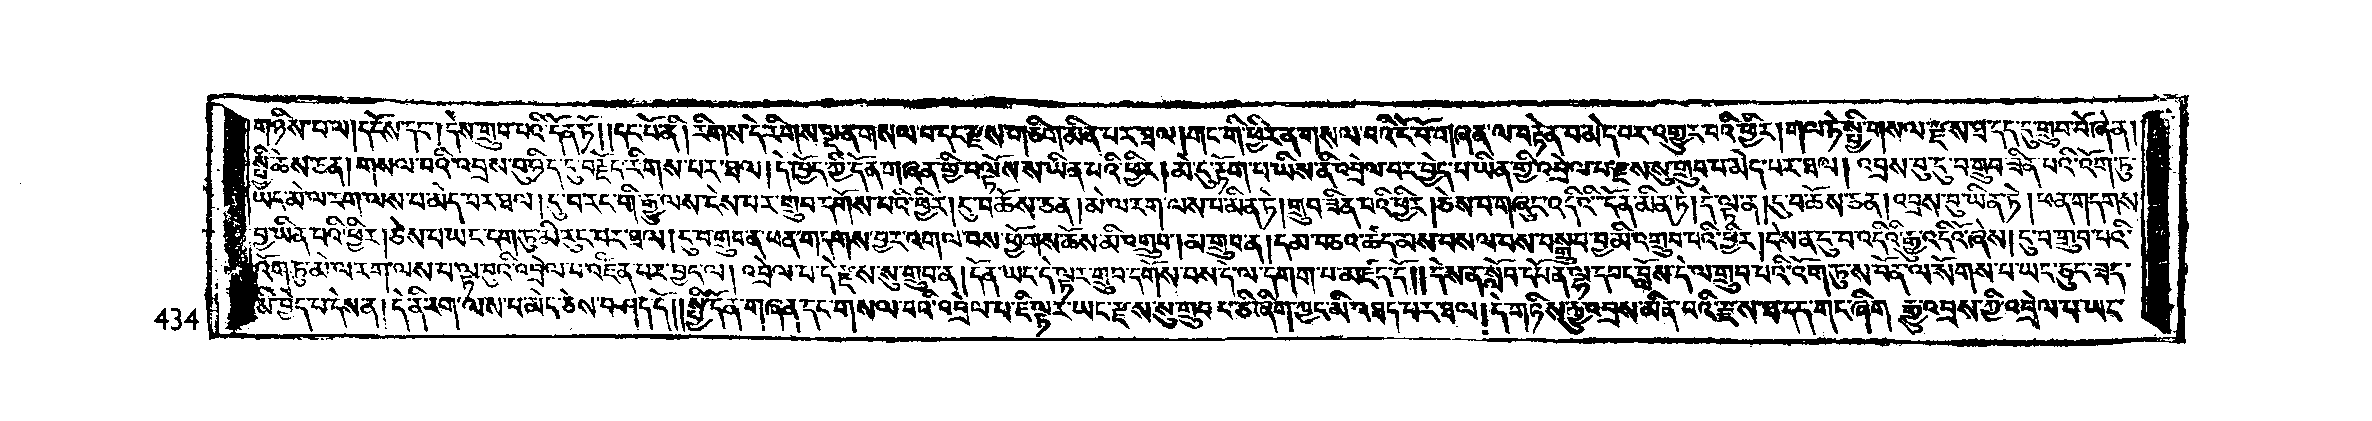གཉིས་པ་ལ། དངོས་དང་། དེས་གྲུབ་པའི་དོན་ཏོ། །དང་པོ་ནི། རིགས་དེ་རིགས་ལྡན་གསལ་བ་དང་རྫས་གཅིག་མིན་པར་ཐལ། གང་གི་ཕྱིར་ན་གསལ་བའི་ངོ་བོ་གཞན་ལ་བརྟེན་པ་མེད་པར་འགྱུར་བའི་ཕྱིར། གལ་ཏེ་སྤྱི་གསལ་རྫས་ཐ་དད་དུ་གྲུབ་བོ་ཞེ་ན།
སྤྱི་ཆེས་ཅན། གསལ་བའི་འབྲས་བུ་ཉིད་དུ་བརྗོད་རིགས་པར་ཐལ། དེ་ཁྱོད་ཀྱི་དོན་གཞན་གྱི་བལྟོས་ས་ཡིན་པའི་ཕྱིར། མེ་དུ་རྟོག་པ་ཡིས་ནི་འབྲེལ་བར་བྱེད་པ་ཡིན་གྱི་འབྲེལ་པ་རྫས་སུ་གྲུབ་པ་མེད་པར་ཐལ། འབྲས་བུ་དུ་བ་གྲུབ་ཟིན་པའི་འོག་ཏུ་
ཡང་མེ་ལ་རིག་ལས་པ་མེད་པར་ཐལ། དུ་བ་རང་གི་རྒྱུ་ལས་ངེས་པར་གྲུབ་དགོས་པའི་ཕྱིར། དུ་བ་ཆོས་ཅན། མེ་ལ་རིག་ལས་པ་མིན་ཏེ། གྲུབ་ཟིན་པའི་ཕྱིར། ཅེས་པ་གཞུང་འདིའི་དོན་མིན་ཏེ། དེ་ལྟ་ན། དུ་བ་ཆོས་ཅན། འབྲས་བུ་ཡིན་ཏེ། ཕན་གདགས་
བྱ་ཡིན་པའི་ཕྱིར། ཅེས་པ་ཡང་དག་ཏུ་མི་རུང་བར་ཐལ། དུ་བ་གྲུབ་ན་ཕན་གདགས་བྱར་འགལ་བས་ཕྱོགས་ཆོས་མི་འགྲུབ། མ་གྲུབ་ན། དམ་བཅའ་ཚད་མས་བསལ་བས་བསྒྲུབ་བྱ་མི་འགྲུབ་པའི་ཕྱིར། དེས་ན་དུ་བ་འདིའི་རྒྱུ་འདིའོ་ཞེས། དུ་བ་གྲུབ་པའི་
འོག་ཏུ་མེ་ལ་རག་ལས་པ་ལྟ་བུའི་འབྲེལ་པ་འཛིན་པར་བྱད་ལ། འབྲེལ་པ་དེ་རྫས་སུ་གྲུབ་ན། དོན་ཡང་དེ་ལྟར་གྲུབ་དགོས་པས་དེ་ལ་དགག་པ་མཛད་དོ། །དེས་ན་སློབ་དཔོན་ལྷ་དབང་བློས་དེ་ལ་གྲུབ་པའི་འོག་ཏུ་ས་བོན་ལ་སོགས་པ་ཡང་ཅུང་ཟད་
མི་བྱེད་པ་དེས་ན། དེ་ནི་རིག་ལས་པ་མེད་ཅེས་བཤད་དོ། །སྤྱི་དོན་གཞན་དང་གསལ་བའི་འབྲེལ་པ་ཇི་ལྟར་ཡང་རྫས་སུ་གྲུབ་པ་ཅི་ཞིག་ཀྱང་མི་འཐད་པར་ཐལ། དེ་གཉིས་རྒྱུ་འབྲས་མིན་པའི་རྫས་ཐ་དད་གང་ཞིག་རྒྱུ་འབྲས་ཀྱི་འབྲེལ་པ་ཡང་